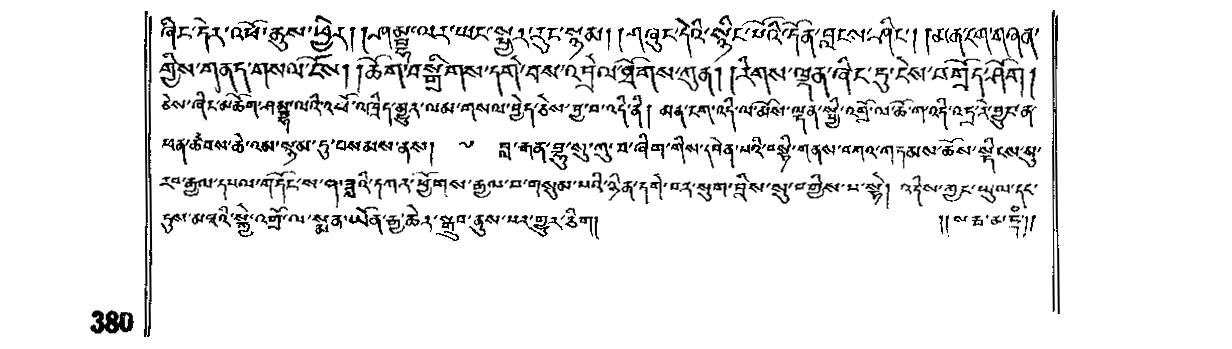ཞིང་དེར་འཕོ་ནུས་ཕྱིར། །ཤམྦྷ་ལར་ཡང་སྤྱར་རུང་སྙམ། །གཞུང་དེའི་སྙིང་པོའི་དོན་བླངས་ཤིང་། །མན་ངག་གཞན་
གྱིས་གནད་གསལ་ངོས། །ཆོག་བསྒྲིགས་དགེ་བས་འབྲེལ་ཐོགས་ཀུན། །རིགས་ལྡན་ཞིང་ཏུ་ངེས་བགྲོད་ཤོག །
ཅེས་ཞིང་མཆོག་ཤམྦྷ་ལའི་འཕོ་འཁྲིད་མྱུར་ལམ་གསལ་བྱེད་ཅེས་བྱ་བ་འདི་ནི། མན་ངག་འདི་ལ་མོས་ལྡན་སྤྱི་འགྲོ་ལ་ཆོ་ག་འདི་འདྲ་རེ་བྱུང་ན་
ཕན་ཚབས་ཆེ་འམ་སྙམ་དུ་བསམས་ནས། ༧་བླ་རྒན་བྷུ་སུ་ཀུ་བ་ཞིག་གིས་དབེན་པའི་བསྟི་གནས་བཀའ་གདམས་ཆོས་སྡིངས་སུ་
རབ་རྒྱལ་དཔལ་གདོང་ས་ན་ཟླའི་དཀར་ཕྱོགས་རྒྱལ་བ་གསུམ་པའི་ཉིན་དགེ་བར་སུག་བྲིས་སུ་བགྱིས་པ་སྟེ། འདིས་ཀྱང་ཡུལ་དང་
ཏུས་མཐའི་སྐྱེ་འགྲོ་ལ་སྨན་ཡོན་རྒྱ་ཆེར་སྒྲུབ་ནུས་པར་གྱུར་ཅིག། །།སརྦ་མངྒཾ།།